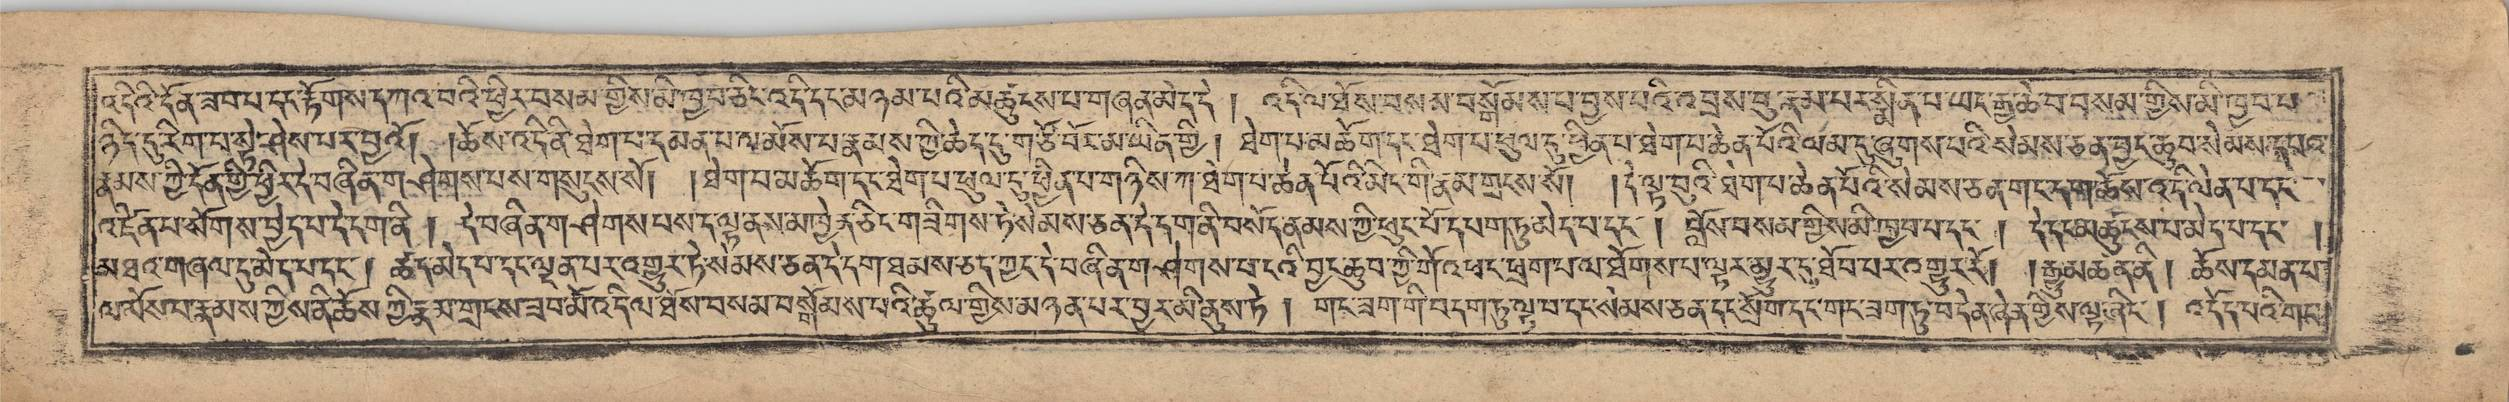འདིའི་དོན་ཟབ་པ་དང་རྟོགས་དཀའ་བའི་ཕྱིར་བསམ་གྱིས་མི་ཁྱབ་ཅིང་འདི་དང་མཉམ་པའི་མཚུངས་པ་གཞན་མེད་དེ། འདི་ལ་ཐོས་བསམ་བསྒོམས་པ་བྱས་པའི་འབྲས་བུ་རྣམ་པར་སྨིན་པ་ཡང་རྒྱ་ཆེ་བ་བསམ་གྱིས་མི་ཁྱབ་པ་
ཉིད་དུ་རིག་པ་སྟེ་ཤེས་པར་བྱའོ། །ཆོས་འདི་ནི་ཐེག་པ་དམན་པ་ལ་མོས་པ་རྣམས་ཀྱི་ཆེད་དུ་གཙོ་བོར་མ་ཡིན་གྱི། ཐེག་པ་མཆོག་དང་ཐེག་པ་ཕུལ་དུ་ཕྱིན་པ་ཐེག་པ་ཆེན་པོའི་ལམ་དུ་ཞུགས་པའི་སེམས་ཅན་བྱང་ཆུབ་སེམས་དཔའ་
རྣམས་ཀྱི་དོན་གྱི་ཕྱིར་དེ་བཞིན་གཤེགས་པས་གསུངས་སོ། །ཐེག་པ་མཆོག་དང་ཐེག་པ་ཕུལ་དུ་ཕྱིན་པ་གཉིས་ཀ་ཐེག་པ་ཆེན་པོའི་མིང་གི་རྣམ་གྲངས་སོ། །དེ་ལྟ་བུའི་ཐེག་པ་ཆེན་པོའི་སེམས་ཅན་གང་དག་ཆོས་འདི་ལེན་པ་དང་
འཛིན་པ་སོགས་བྱེད་པ་དེ་དག་ནི། དེ་བཞིན་གཤེགས་པས་ད་ལྟ་ནས་མཁྱེན་ཅིང་གཟིགས་ཏེ་སེམས་ཅན་དེ་དག་ནི་བསོད་ནམས་ཀྱི་ཕུང་པོ་དཔག་ཏུ་མེད་པ་དང་། བློས་བསམ་གྱིས་མི་ཁྱབ་པ་དང་། དེ་དང་མཚུངས་པ་མེད་པ་དང་།
མཐའ་གཞལ་དུ་མེད་པ་དང་། ཚད་མེད་པ་དང་ལྡན་པར་འགྱུར་ཏེ་སེམས་ཅན་དེ་དག་ཐམས་ཅད་ཀྱང་དེ་བཞིན་གཤེགས་པ་ངའི་བྱང་ཆུབ་ཀྱི་གོ་འཕང་ཕྲག་པ་ལ་ཐོགས་པ་ལྟར་མྱུར་དུ་ཐོབ་པར་འགྱུར་རོ། །རྒྱུ་མཚན་ནི། ཆོས་དམན་པ་
ལ་མོས་པ་རྣམས་ཀྱིས་ནི་ཆོས་ཀྱི་རྣམ་གྲངས་ཟབ་མོ་འདི་ལ་ཐོས་བསམ་བསྒོམས་པའི་ཚུལ་གྱིས་མཉན་པར་བྱར་མི་ནུས་ཏེ། གང་ཟག་གི་བདག་ཏུ་ལྟ་བ་དང་སེམས་ཅན་དང་སྲོག་དང་གང་ཟག་ཏུ་བདེན་ཞེན་གྱིས་ལྟ་ཞིང་། འདོད་པའི་གང་